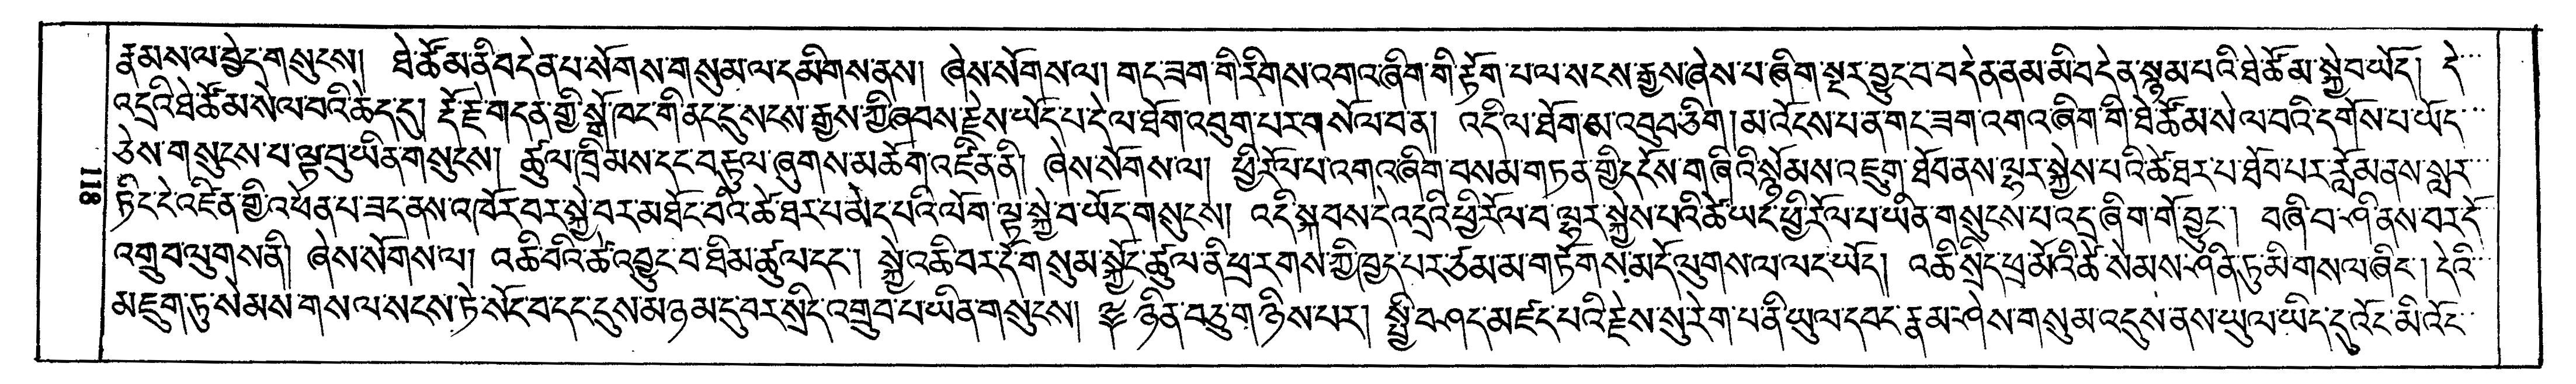རྣམས་ལ་བྱེད་གསུངས། ཐེ་ཚོམ་ནི་བདེན་པ་སོགས་གསུམ་ལ་དམིགས་ནས། ཞེས་སོགས་ལ། གང་ཟག་གི་རིགས་འགའ་ཞིག་གི་རྟོག་པ་ལ་སངས་རྒྱས་ཞེས་པ་ཞིག་སྔར་བྱུང་བ་བདེན་ན་ནམ་མི་བདེན་སྙམ་པའི་ཐེ་ཚོམ་སྐྱེ་བ་ཡོད། དེ་
འདྲའི་ཐེ་ཚོམ་སེལ་བའི་ཆེད་དུ། རྡོ་རྗེ་གདན་གྱི་སྒོ་ཁང་གི་ནང་དུ་སངས་རྒྱས་ཀྱི་ཞབས་རྗེས་ཡོད་པ་དེ་ལ་ཐོག་འབུག་པར་གསོལ་བ་ན། འདི་ལ་ཐོག་མ་འབུབ་ཅིག །མ་འོངས་པ་ན་གང་ཟག་འགའ་ཞིག་གི་ཐེ་ཚོམ་སེལ་བའི་དགོས་པ་མོད་
ཅེས་གསུངས་པ་ལྟ་བུ་ཡིན་གསུངས། ཚུལ་ཁྲིམས་དང་བརྟུལ་ཞུགས་མཆོག་འཛིན་ནི། ཞེས་སོགས་ལ། ཕྱི་རོལ་པ་འགའ་ཞིག་བསམ་གཏན་གྱི་དངོས་གཞིའི་སྙོམས་འཇུག་ཐོབ་ནས་ལྷར་སྐྱེས་པའི་ཚེ་ཐར་པ་ཐོབ་པར་རློམ་ནས་སླར་
ཏིང་ངེ་འཛིན་གྱི་འཕེན་པ་ཟད་ནས་འཁོར་བར་སྐྱེ་བར་མཐོང་བའི་ཚེ་ཐར་པ་མེད་པའི་ལོག་ལྟ་སྐྱེ་བ་ཡོད་གསུངས། འདི་སྐབས་དེ་འདྲའི་ཕྱི་རོལ་པ་ལྷར་སྐྱེས་པའི་ཚེ་ཡང་ཕྱི་རོལ་པ་ཡིན་གསུངས་པ་འདྲ་ཞིག་གོ་བྱུང་། བཞི་པ་ཤི་ནས་བར་དོ་
འགྲུབ་ལུགས་ནི། ཞེས་སོགས་ལ། འཆི་བའི་ཚེ་འབྱུང་བ་ཐིམ་ཚུལ་དང་། སྐྱེ་འཆི་བར་དོ་གསུམ་སྦྱོང་ཚུལ་ནི་ཕྲ་རགས་ཀྱི་ཁྱད་པར་ཙམ་མ་གཏོགས་མདོ་ལུགས་ལ་ཡང་ཡོད། འཆི་སྲིད་ཕྲ་མོའི་ཚེ་སེམས་ཤིན་ཏུ་མི་གསལ་ཞིང་། དེའི་
མཇུག་ཏུ་སེམས་གསལ་སངས་ཏེ་སོང་བ་དང་དུས་མཉམ་དུ་བར་སྲིད་འགྲུབ་པ་ཡིན་གསུངས། ༈ ཉིན་བཅུ་གཉིས་པར། སྤྱི་བཤེད་མཛད་པའི་རྗེས་སུ་རེག་པ་ནི་ཡུལ་དབང་རྣམ་ཤེས་གསུམ་འདུས་ནས་ཡུལ་ཡིད་དུ་འོང་མི་འོང་